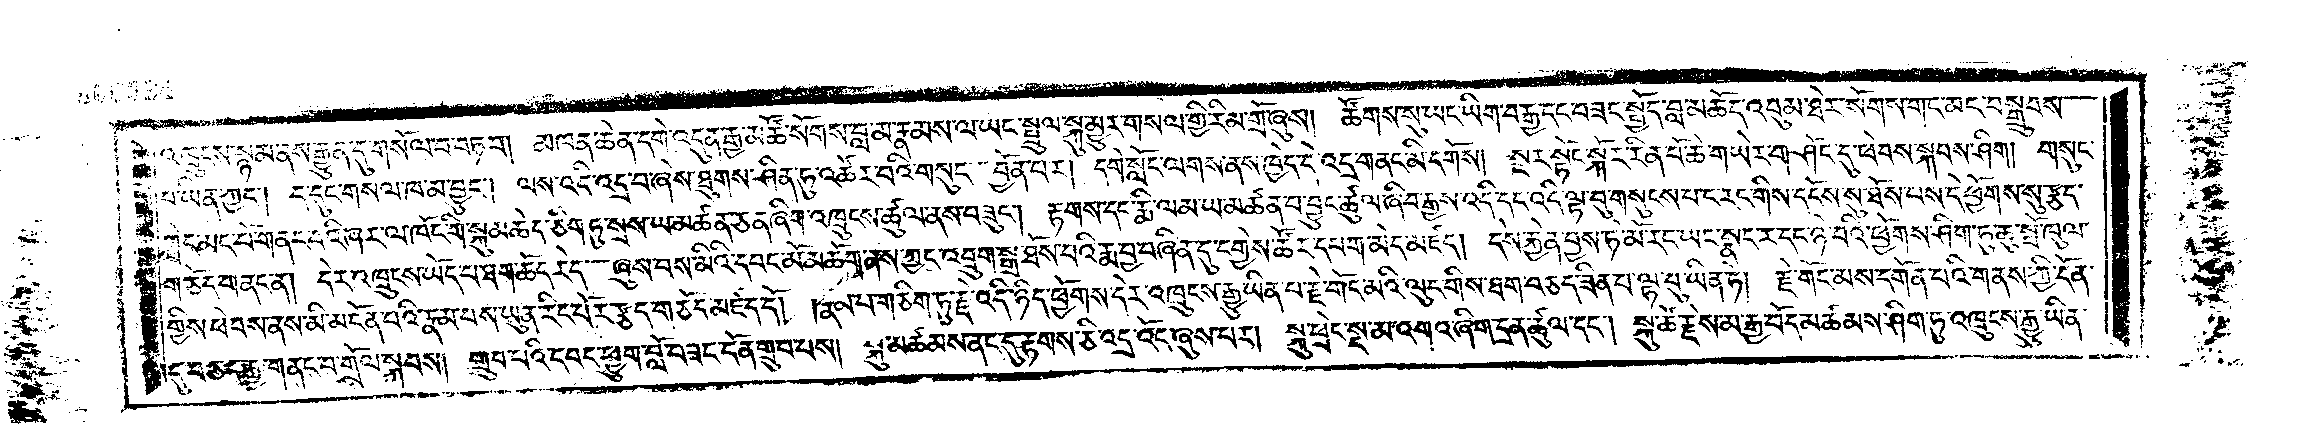འཁྲུངས་སྙམ་ནས་རྒྱུན་དུ་གསོལ་བ་བཏབ། མཁན་ཆེན་དགེ་འདུན་རྒྱ་མཚོ་སོགས་བླ་མ་རྣམས་ལ་ཡང་སྤྲུལ་སྐུ་མྱུར་གསལ་གྱི་རིམ་གྲོ་ཞུས། ཚོགས་སུ་ཡང་ཡིག་བརྒྱ་དང་བཟང་སྤྱོད་བླ་མཆོད་འབུམ་ཐེར་སོགས་གང་མང་བསྒྲུབས་
པ་ཡིན་ཀྱང་། ད་དུང་གསལ་ཁ་མ་བྱུང་། ལས་འདི་འདྲ་བ་ཞེས་ཐུགས་ཤིན་ཏུ་འཚོར་བའི་གསུང་བྱོན་བར། དགེ་སློང་ལགས་ནས་ཁྱེད་དེ་འདྲ་གནང་མི་དགོས། སྔར་སྟོང་སྐོར་རིན་པོ་ཆེ་གཡེར་གཤོང་དུ་ཕེབས་སྐབས་ཤིག། གསུང་
གླེང་མང་པོ་གནང་བའི་ཞར་ལ་ཁོང་གི་སྐུ་མཆེད་ཅིག་ཏུ་སྲས་ཡ་མཚན་ཅན་ཞིག་འཁྲུངས་ཚུལ་ནས་བཟུང་། རྟགས་དང་རྨི་ལམ་ཡ་མཚན་པ་བྱུང་ཚུལ་ཞིབ་རྒྱས་འདི་དང་འདི་ལྟ་བུ་གསུངས་པ་ང་རང་གིས་དངོས་སུ་ཐོས་པས་དེ་ཕྱོགས་སུ་རྩད་
གཅོད་གནང་ན། དེར་འཁྲུངས་ཡོད་པ་ཐག་ཆོད་རེད་ཞུས་པས་མིའི་དབང་མོ་མཆོག་ནས་ཀྱང་འབྲུག་སྒྲ་ཐོས་པའི་རྨ་བྱ་བཞིན་དུ་དགྱེས་ཚོར་དཔག་མེད་མཛད། དེས་རྐྱེན་བྱས་ཏེ་མོ་རང་ཡང་སྣང་ར་དང་ཉེ་བའི་ཕྱོགས་ཤིག་ཏུ་ཆུ་སྤོ་ཁུལ་
གྱིས་ཕེབས་ནས་མི་མངོན་པའི་རྣམ་པས་ཡུན་རིང་པོར་རྩད་གཅོད་མཛད་དོ། །རྣམ་པ་གཅིག་ཏུ་རྗེ་འདི་ཉིད་ཕྱོགས་དེར་འཁྲུངས་རྒྱུ་ཡིན་པ་རྗེ་གོང་མའི་ལུང་གིས་ཐག་བཅད་ཟིན་པ་ལྟ་བུ་ཡིན་ཏེ། རྗེ་གོང་མས་དགོན་པའི་གནས་ཀྱི་དོན་
དུ་བཅད་རྒྱ་གནང་བ་གྲོལ་སྐབས། གྲུབ་པའི་དབང་ཕྱུག་བློ་བཟང་དོན་གྲུབ་པས། སྐུ་མཚམས་ནང་དུ་རྟགས་ཅི་འདྲ་འོང་ཞུས་པར། སྐུ་ཕྲེང་སྔ་མ་འགའ་ཞིག་དྲན་ཚུལ་དང་། སྐུ་ཚེ་རྗེས་མ་རྒྱ་པོ་དམ་ཚམས་ཤིག་ཏུ་འཁྲུངས་རྒྱུ་ཡིན་